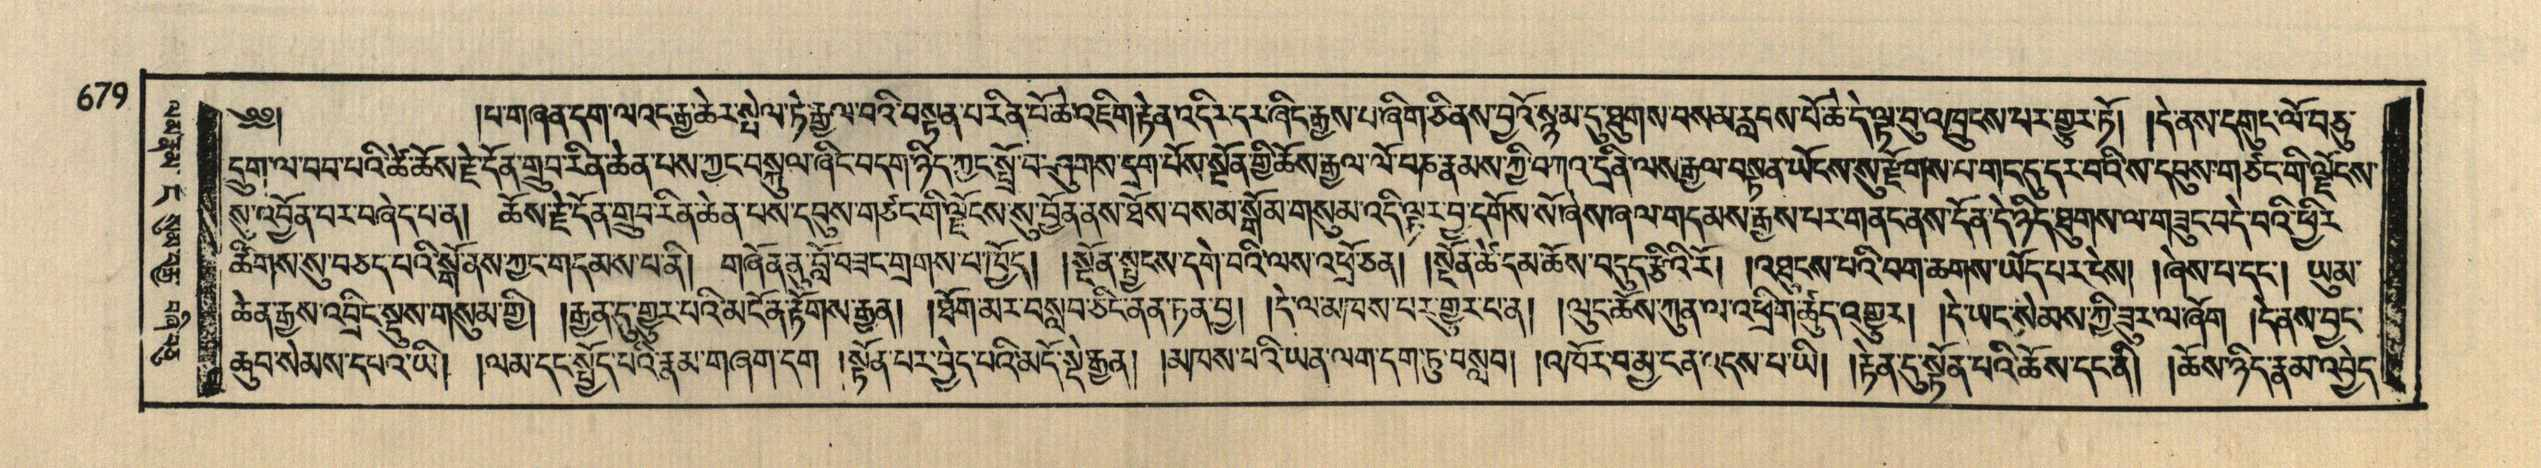༄༅། །པ་གཞན་དག་ལའང་རྒྱ་ཆེར་སྤེལ་ཏེ་རྒྱལ་བའི་བསྟན་པ་རིན་པོ་ཆེ་འཇིག་རྟེན་འདིར་དར་ཞིང་རྒྱས་པ་ཞིག་ཅི་ནས་བྱའོ་སྙམ་དུ་ཐུགས་བསམ་རླབས་པོ་ཆེ་དེ་ལྟ་བུ་འཁྲུངས་པར་གྱུར་ཏོ། །དེ་ནས་དགུང་ལོ་བཅུ་དྲུག་ལ་བབ་པའི་ཚེ་ཆོས་རྗེ་དོན་གྲུབ་རིན་ཆེན་པས་ཀྱང་བསྐུལ་ཞིང་བདག་ཉིད་ཀྱང་སྤྲོ་བ་ཤུགས་དྲག་པོས་སྔོན་གྱི་ཆོས་རྒྱལ་ལོ་པཎ་རྣམས་ཀྱི་བཀའ་དྲིན་ལས་རྒྱལ་བསྟན་ཡོངས་སུ་རྫོགས་པ་གང་དུ་དར་བའི་ས་དབུས་གཙང་གི་ལྗོངས་
སུ་འབྱོན་པར་བཞེད་པ་ན། ཆོས་རྗེ་དོན་གྲུབ་རིན་ཆེན་པས་དབུས་གཙང་གི་ལྗོངས་སུ་བྱོན་ནས་ཐོས་བསམ་སྒོམ་གསུམ་འདི་ལྟར་བྱ་དགོས་སོ་ཞེས་ཞལ་གདམས་རྒྱས་པར་གནང་ནས་དོན་དེ་ཉིད་ཐུགས་ལ་གཟུང་བ་དེ་བའི་ཕྱིར་
ཚིགས་སུ་བཅད་པའི་སྒོ་ནས་ཀྱང་གདམས་པ་ནི། གཞོན་ནུ་བློ་བཟང་གྲགས་པ་ཁྱོད། །སྔོན་སྤྱངས་དགེ་བའི་ལས་འཕྲོ་ཅན། །སྔོན་ཚེ་དམ་ཆོས་བདུད་རྩིའི་རོ། །འཐུངས་པའི་བག་ཆགས་ཡོད་པར་ངེས། །ཞེས་པ་དང་། ཡུམ་
ཆེན་རྒྱས་འབྲིང་སྡུས་གསུམ་གྱི། །རྒྱན་དུ་གྱུར་པའི་མངོན་རྟོགས་རྒྱན། །ཐོག་མར་བསླབ་ཅིང་ནན་ཏན་བྱ། །དེ་ལ་མཁས་པར་གྱུར་པ་ན། །ལུང་ཆོས་ཀུན་ལ་འཕྲིག་ཚུད་འགྱུར། །དེ་ཡང་སེམས་ཀྱི་ཟུར་ལ་ཞོག །དེ་ནས་བྱང་
ཆུབ་སེམས་དཔའ་ཡི། །ལམ་དང་སྤྱོད་པའི་རྣམ་གཞག་དག །སྟོན་པར་བྱེད་པའི་མདོ་སྡེ་རྒྱན། །མཁས་པའི་ཡན་ལག་དག་ཏུ་བསླབ། །འཁོར་བ་མྱ་ངན་འདས་པ་ཡི། །རྟེན་དུ་སྟོན་པའི་ཆོས་དང་ནི། །ཆོས་ཉིད་རྣམ་འབྱེད་